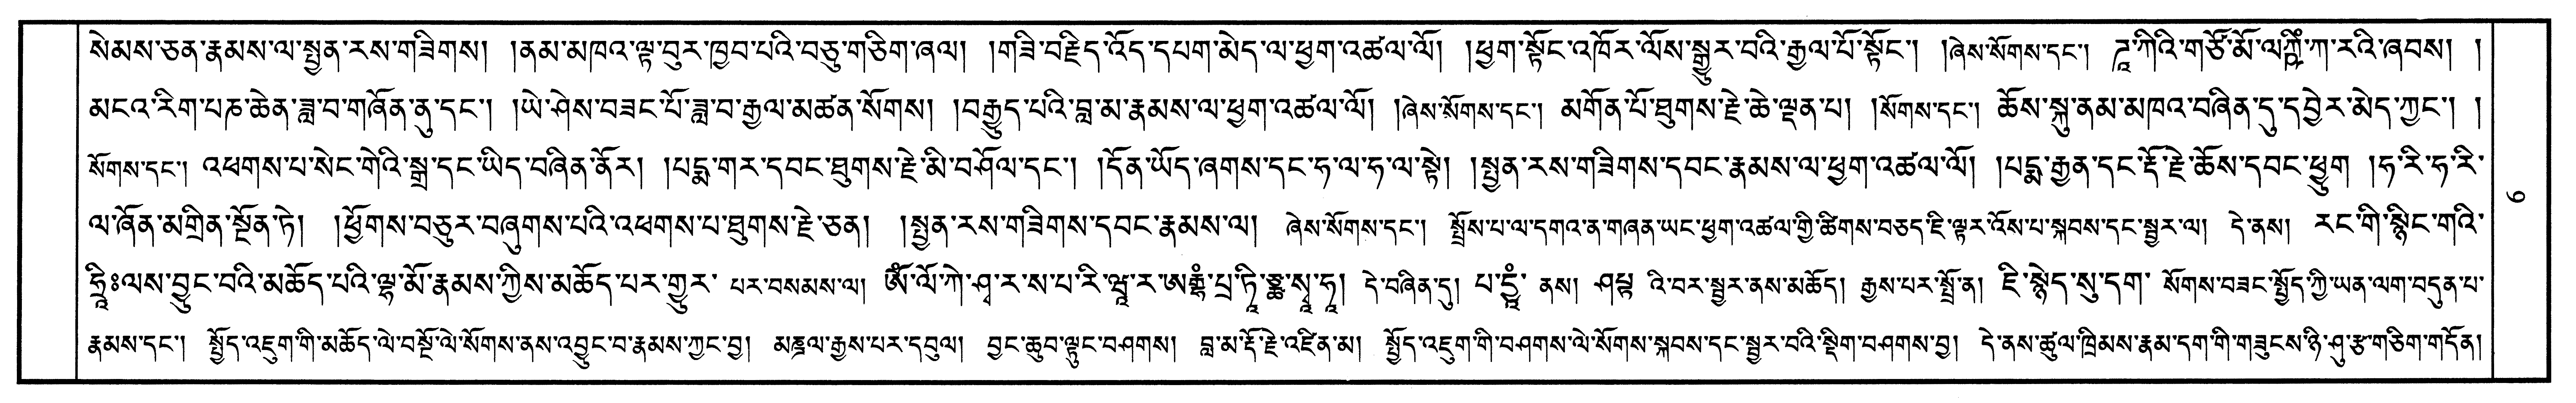སེམས་ཅན་རྣམས་ལ་སྤྱན་རས་གཟིགས། །ནམ་མཁའ་ལྟ་བུར་ཁྱབ་པའི་བཅུ་གཅིག་ཞལ། །གཟི་བརྗིད་འོད་དཔག་མེད་ལ་ཕྱག་འཚལ་ལོ། །ཕྱག་སྟོང་འཁོར་ལོས་སྒྱུར་བའི་རྒྱལ་པོ་སྟོང་། །ཞེས་སོགས་དང་། ཌཱ་ཀིའི་གཙོ་མོ་ལཀྵིཾ་ཀ་རའི་ཞབས། །
མངའ་རིག་པཎ་ཆེན་ཟླ་བ་གཞོན་ནུ་དང་། །ཡེ་ཤེས་བཟང་པོ་ཟླ་བ་རྒྱལ་མཚན་སོགས། །བརྒྱུད་པའི་བླ་མ་རྣམས་ལ་ཕྱག་འཚལ་ལོ། །ཞེས་སོགས་དང་། མགོན་པོ་ཐུགས་རྗེ་ཆེ་ལྡན་པ། །སོགས་དང་། ཆོས་སྐུ་ནམ་མཁའ་བཞིན་དུ་དབྱེར་མེད་ཀྱང་། །
སོགས་དང་། འཕགས་པ་སེང་གེའི་སྒྲ་དང་ཡིད་བཞིན་ནོར། །པདམ་གར་དབང་ཐུགས་རྗེ་མི་བཤོལ་དང་། །དོན་ཡོད་ཞགས་དང་ཧ་ལ་ཧ་ལ་སྟེ། །སྤྱན་རས་གཟིགས་དབང་རྣམས་ལ་ཕྱག་འཚལ་ལོ། །པདམ་རྒྱན་དང་རྡོ་རྗེ་ཆོས་དབང་ཕྱུག །ཧ་རི་ཧ་རི་
ལ་ཞོན་མགྲིན་སྔོན་ཏེ། །ཕྱོགས་བཅུར་བཞུགས་པའི་འཕགས་པ་ཐུགས་རྗེ་ཅན། །སྤྱན་རས་གཟིགས་དབང་རྣམས་ལ། ཞེས་སོགས་དང་། སྤྲོས་པ་ལ་དགའ་ན་གཞན་ཡང་ཕྱག་འཚལ་གྱི་ཚིགས་བཅད་ཇི་ལྟར་འོས་པ་སྐབས་དང་སྦྱར་ལ། དེ་ནས། རང་གི་སྙིང་གའི་
ཧྲཱིཿ ལས་བྱུང་བའི་མཆོད་པའི་ལྷ་མོ་རྣམས་ཀྱིས་མཆོད་པར་གྱུར་པར་བསམས་ལ། ཨོཾ་ལོ་ཀེ་ཤྭ་ར་ས་པ་རི་ཝཱ་ར་ཨརྒྷཾ་པྲ་ཏཱི་ཙྪ་སྭཱ་ཧཱ། དེ་བཞིན་དུ། པ་དྱཱཾ་ནས། ཤཔྟའི་བར་སྦྱར་ནས་མཆོད། རྒྱས་པར་སྤྲོ་ན། ཇི་སྙེད་སུ་དག་སོགས་བཟང་སྤྱོད་ཀྱི་ཡན་ལག་བདུན་པ་
རྣམས་དང་། སྤྱོད་འཇུག་གི་མཆོད་ལེ་བསྔོ་ལེ་སོགས་ནས་འབྱུང་བ་རྣམས་ཀྱང་བྱ། མཎྜལ་རྒྱས་པར་དབུལ། བྱང་ཆུབ་ལྟུང་བཤགས། བླ་མ་རྡོ་རྗེ་འཛིན་མ། སྤྱོད་འཇུག་གི་བཤགས་ལེ་སོགས་སྐབས་དང་སྦྱར་བའི་སྡིག་བཤགས་བྱ། དེ་ནས་ཚུལ་ཁྲིམས་རྣམ་དག་གི་གཟུངས་ཉི་ཤུ་རྩ་གཅིག་གདོན།